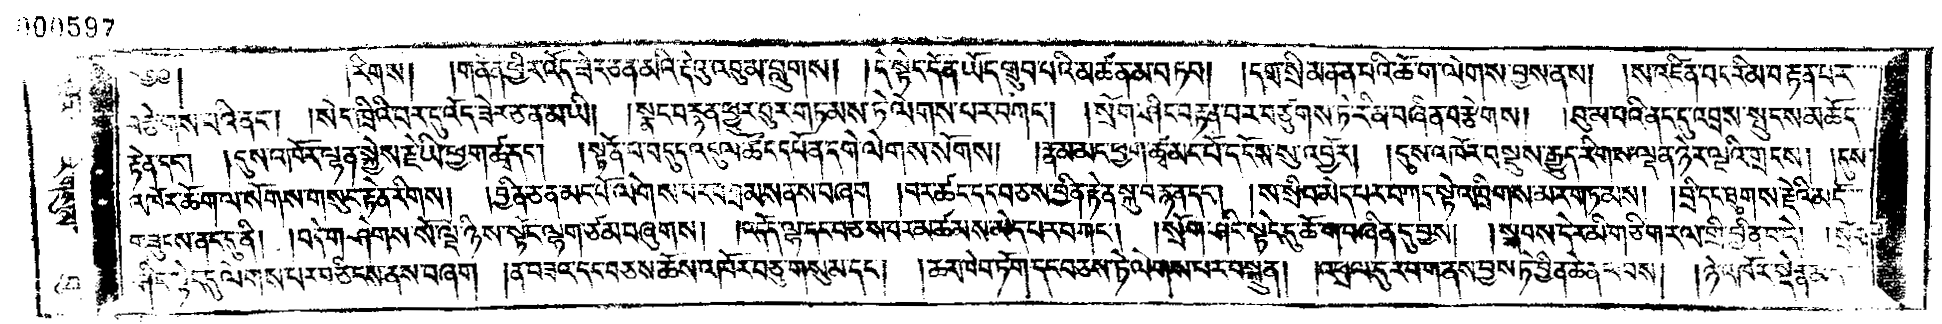༄༅། །རིགས། །གནོན་ཕྱིར་འོད་ཟེར་ཅན་མའི་རྡེའུ་འབུམ་བླུགས། །དེ་སྟེང་དོན་ཡོད་གྲུབ་པའི་མཚན་མ་བཏབ། །དགྲ་སྲི་མནན་པའི་ཆོ་ག་ལེགས་བྱས་ནས། །ས་འཛིན་བང་རིམ་བརྟན་པར་
བརྩེགས་པའི་ནང་། །སེང་ཁྲིའི་བར་དུ་འོད་ཟེར་ཅན་མ་ཡི། །སྣང་བརྙན་ཕྱུར་བུར་གཏམས་ཏེ་ལེགས་པར་བཀང་། །སྲོག་ཤིང་བརྟན་པར་བཙུགས་ཏེ་རིམ་བཞིན་བརྩེགས། །བུམ་པའི་ནང་དུ་འབྲས་སྤུངས་མཆོད་
རྟེན་དང་། །དུས་འཁོར་ལྷན་སྐྱེས་རྗེ་ཡི་ཕྱག་ཚྭ་དང་། །སྟོན་པ་བདུད་འདུལ་ཚོང་དཔོན་དགེ་ལེགས་སོགས། །རྣམ་མང་ཕྱག་ཚྭ་མང་པོ་དངོས་སུ་འབྱོར། །དུས་འཁོར་བསྡུས་རྒྱུད་རིགས་ལྡན་ཉེར་ལྔའི་གྲངས། །དུས་
འཁོར་ཆོ་ག་ལ་སོགས་གསུང་རྟེན་རིགས། །བྱིན་ཅན་མང་པོ་ལེགས་པར་བཀྲམས་ནས་བཞག །བར་ཚང་དང་བཅས་བྱིན་རྟེན་སྐུ་བརྙན་དང་། །ས་སྲིབ་མེད་པར་བཀང་སྟེ་འཁྲིགས་མར་གཏམས། །བྲི་དང་ཐུགས་རྗེའི་མདོ་
གཟུངས་ནང་དུ་ནི། །བདེ་གཤེགས་སོ་ལྔ་ཉིས་སྟོང་ལྷག་ཙམ་བཞུགས། །འདོད་ལྷ་དང་བཅས་བར་མཚམས་མེད་པར་བཀང་། །སྲོག་ཤིང་སྟེང་དུ་ཆོ་ག་བཞིན་དུ་བྱས། །སྐབས་དེར་མི་གཅིག་རལ་གྲི་བྱིན་བ་དེ། །སྲོག་
ཤིང་སྟེང་དུ་ལེགས་པར་བཅིངས་ནས་བཞག །ན་བཟའ་དང་བཅས་ཆོས་འཁོར་བཅུ་གསུམ་དང་། །ཆར་ཁེབ་ཏོག་དང་བཅས་ཏེ་ལེགས་པར་བསྐྲུན། །འཕྲལ་དུ་རབ་གནས་བྱས་ཏེ་བྱིན་ཆེན་ཕབས། །ཉེ་འཁོར་སྡེ་རྣམས་